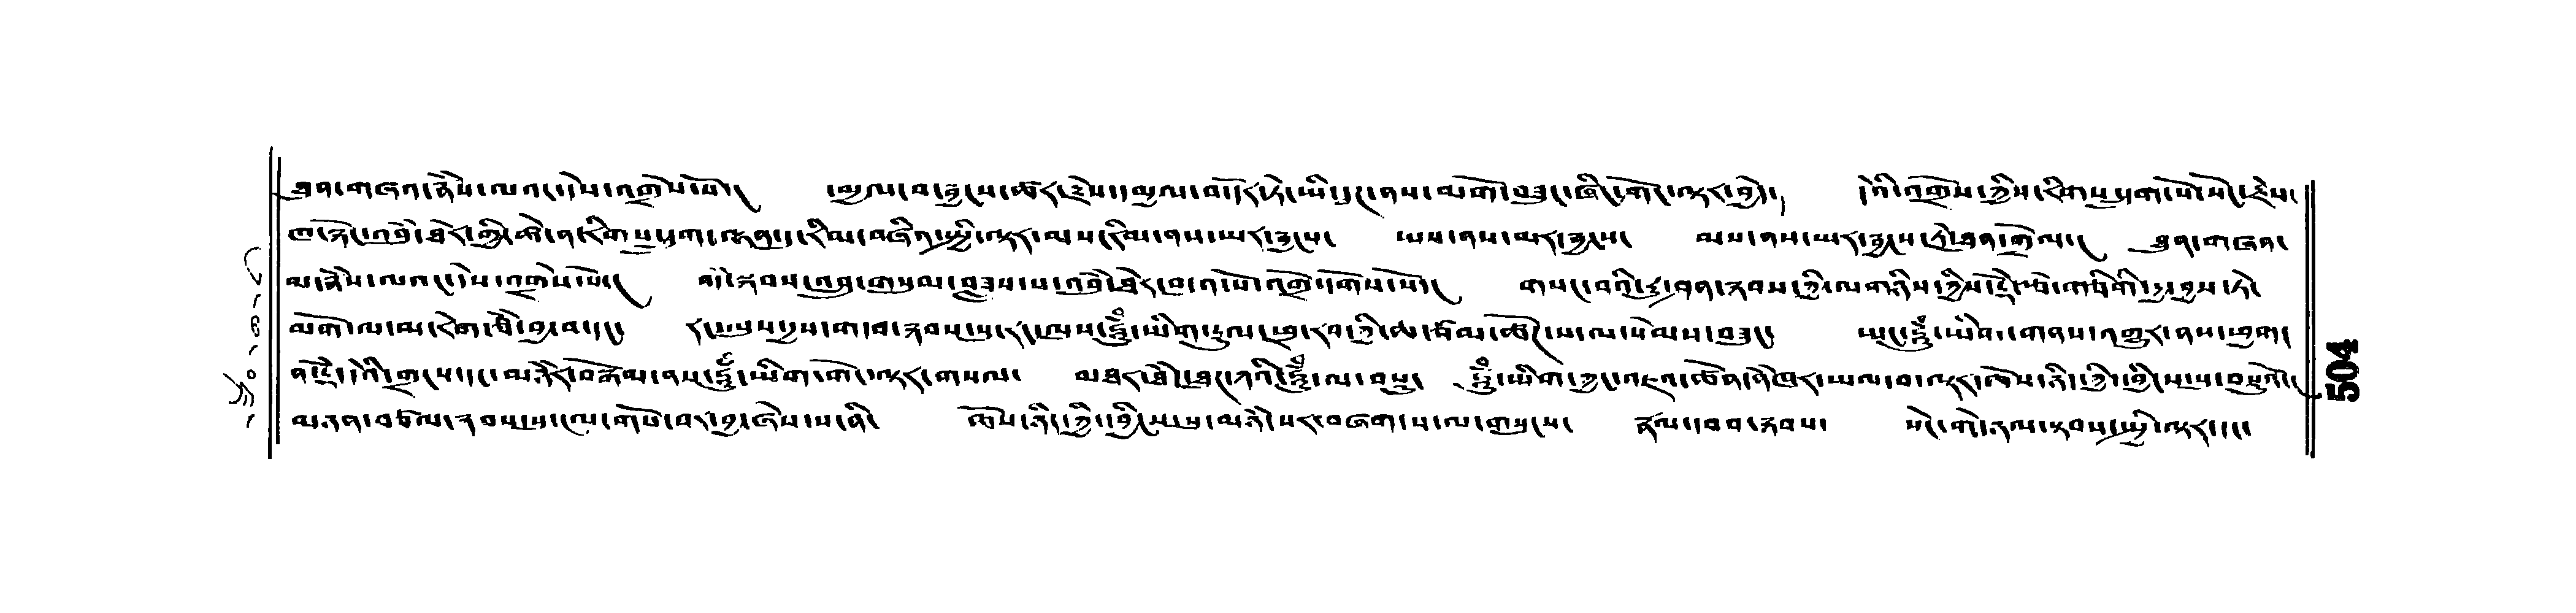ཐུན་གཞན་རྣམས་ལའང་དེས་འགྲེས་སོ། དམྱལ་བ་སྦྱངས་ཚར་རྗེས་དམྱལ་བ་དོར་ཏེ་ཡི་དྭགས་ནས་མགོ་བཟུང་ཞིང་གོང་ལྟར་བྱེད། དེའི་འགྲོས་ཀྱིས་རིགས་དྲུག་པོ་སོང་རྗེས་
ཁ་སྐོང་འབུམ་ཐེར་གྱི་ཚེ་ན་རིགས་དྲུག་ལྷན་དུ་རིམ་བཞིན་སྤྱི་ལྟར་མས་རིམ་ནས་ཡར་སྦྱངས། ཡས་ནས་མར་སྦྱངས། མས་ནས་ཡར་སྦྱངས་ཏེ་ཐུན་གྲོལ། ཐུན་གཞན་
མ་རྣམས་ལའང་དེས་འགྲེས་སོ། འདི་སྐབས་འབྲུ་གསུམ་བཟླས་པ་འབུམ་ཐེར་བདུན་པོ་འགྲོ་དགོས་སོ། གསང་བའི་རུ་ཤན་སྐབས་ཀྱི་ལག་གཉིས་ཀྱིས་རྡོ་རྗེ་རྩེ་གཅིག་གི་རྒྱ་བྱས་ཏེ། 
མགོ་ལ་མ་རེག་ཙམ་བྱ་བ་དང་། རང་ལུས་རྒྱས་གདབ་སྐབས་སུ་རང་ལུས་ཧཱུྃ་ཡིག་རྡུལ་ཕྲ་རབ་ཀྱི་ཆ་ཙམ་ཚོགས་པ་ལ་སེམས་བཟུང་། ཡང་ཧཱུྃ་ཡིག་གནས་འགྱུར་ནས་ཕྱག་
ན་རྡོ་རྗེ་དེའི་གྲངས་དང་མཉམ་པར་བསྒོམ་ནས་ཧཱུྃ་ཡིག་གོང་ལྟར་གསལ། མཐར་ཐམས་ཅད་ཐུགས་ཀའི་ཧཱུྃ་ལ་བསྡུ།ཧཱུྃ་ཡིག་ཀྱང་འཇའ་ཚོན་ནམ་མཁར་ཡལ་བ་ལྟར་ཆོས་ཉིད་ཀྱི་དབྱིངས་སུ་བསྡུའོ། 
མཉན་བཙལ་སྐབས་སུ་ངལ་གསོ་བར་བྱ་ཞེས་པ་ནི། ཆོས་ཉིད་ཀྱི་དབྱིངས་སུ་མཉམ་པར་བཞག་ལ་གསུངས། རྣལ་དབབ་སྐབས། སེང་གེ་ཉལ་སྟབས་སྤྱི་ལྟར་དང་།